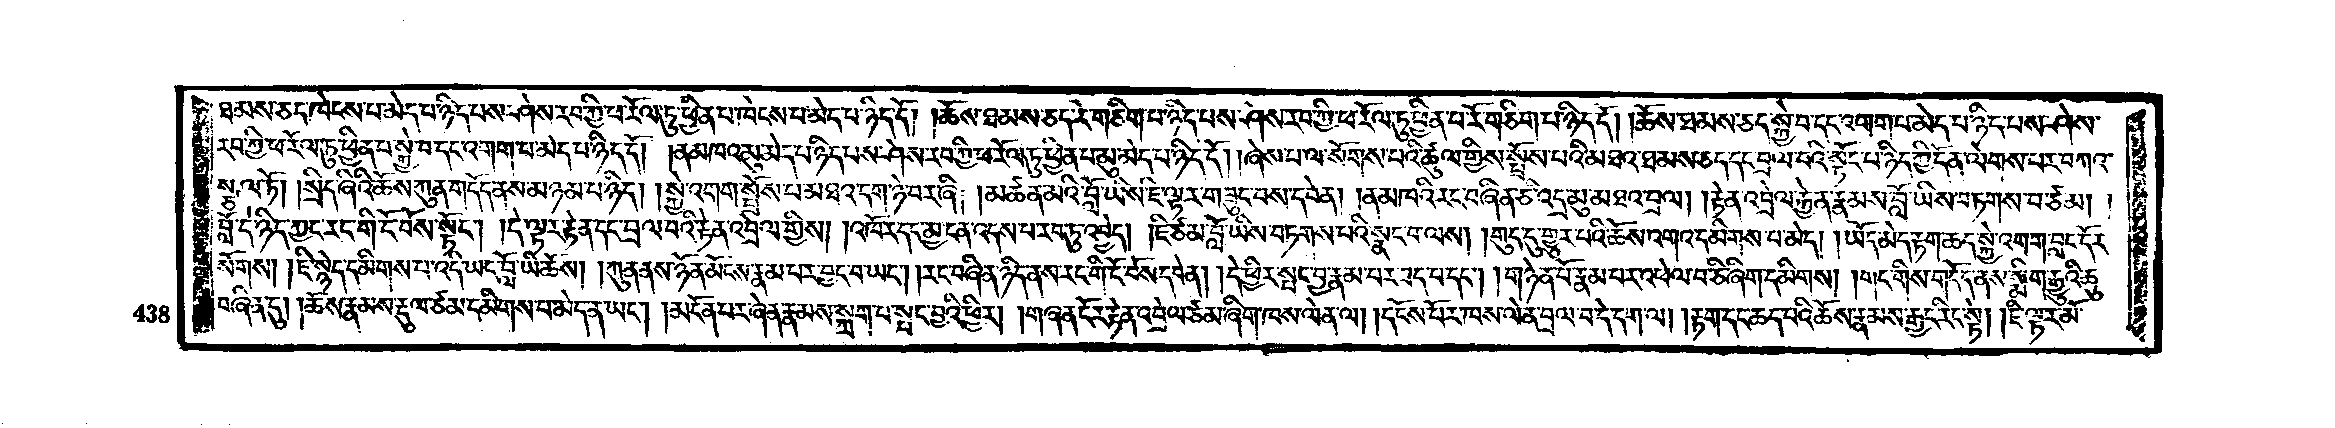ཐམས་ཅད་ཁེངས་པ་མེད་པ་ཉིད་པས་ཤེས་རབ་ཀྱི་ཕ་རོལ་ཏུ་ཕྱིན་པ་ཁེངས་པ་མེད་པ་ཉིད་དོ། །ཆོས་ཐམས་ཅད་རེ་གཅིག་པ་ཉིད་པས་ཤེས་རབ་ཀྱི་ཕ་རོལ་ཏུ་ཕྱིན་པ་རོ་གཅིག་པ་ཉིད་དོ། །ཆོས་ཐམས་ཅད་སྐྱེ་བ་དང་འགག་པ་མེད་པ་ཉིད་པས་ཤེས་
རབ་ཀྱི་ཕ་རོལ་ཏུ་ཕྱིན་པ་སྐྱེ་བ་དང་འགག་པ་མེད་པ་ཉིད་དོ། །ནམ་མཁའ་མུ་མེད་པ་ཉིད་པས་ཤེས་རབ་ཀྱི་ཕ་རོལ་ཏུ་ཕྱིན་པ་མུ་མེད་པ་ཉིད་དོ། །ཞེས་པ་ལ་སོགས་པའི་ཚུལ་གྱིས་སྤྲོས་པའི་མཐའ་ཐམས་ཅད་དང་བྲལ་བའི་སྟོང་པ་ཉིད་ཀྱི་དོན་ལེགས་པར་བཀའ་
སྩལ་ཏེ། །སྲིད་ཞིའི་ཆོས་ཀུན་གདོད་ནས་མཉམ་པ་ཉིད། །སྐྱེ་འགག་སྤྲོས་པ་མཐའ་དག་ཉེ་བར་ཞི། །མཚན་མའི་བློ་ཡིས་ཇི་ལྟར་གཟུང་བས་དབེན། །ནམ་མཁའི་རང་བཞིན་ཅི་འདྲ་མུ་མཐའ་བྲལ། །རྟེན་འབྲེལ་རྐྱེན་རྣམས་བློ་ཡིས་བཏགས་པ་ཙམ། །
བློ་དེ་ཉིད་ཀྱང་རང་གི་ངོ་བོས་སྟོང་། །དེ་ལྟར་རྟེན་དང་བྲལ་བའི་རྟེན་འབྲེལ་གྱིས། །འཁོར་དང་མྱ་ངན་འདས་པ་རབ་ཏུ་འབྱེད། །ཇི་ཙམ་བློ་ཡིས་བཏགས་པའི་སྣང་བ་ལས། །གུང་དུ་གྱུར་པའི་ཆོས་འགའ་དམིགས་པ་མེད། །ཡོད་མེད་རྟག་ཆད་སྐྱེ་འགག་བླང་དོར་
སོགས། །ཇི་སྙེད་དམིགས་པ་འདི་ཡང་བློ་ཡི་ཆོས། །ཀུན་ནས་ཉོན་མོངས་རྣམ་པར་བྱང་བ་ཡང་། །རང་བཞིན་ཉིད་ནས་རང་གི་ངོ་བོས་དབེན། །དེ་ཕྱིར་སྤང་བྱ་རྣམ་པར་ཟད་པ་དང་། །གཉེན་པོ་རྣམ་པར་འཕེལ་བ་ཅི་ཞིག་དམིགས། །གང་གིས་གདོད་ནས་སྨིག་རྒྱུའི་ཆུ་
བཞིན་དུ། །ཆོས་རྣམས་རྡུལ་ཙམ་དམིགས་པ་མེད་ན་ཡང་། །མངོན་པར་ཞེན་རྣམས་སྐྲག་པ་སྤང་བྱའི་ཕྱིར། །གཞན་ངོར་རྟེན་འབྲེལ་ཙམ་ཞིག་ཁས་ལེན་ལ། །དངོས་པོར་ཁས་ལེན་བྲལ་བ་དེ་དག་ལ། །རྟག་དང་ཆད་པའི་ཆོས་རྣམས་རྒྱང་རིང་སྟེ། །ཇི་ལྟར་མོ་